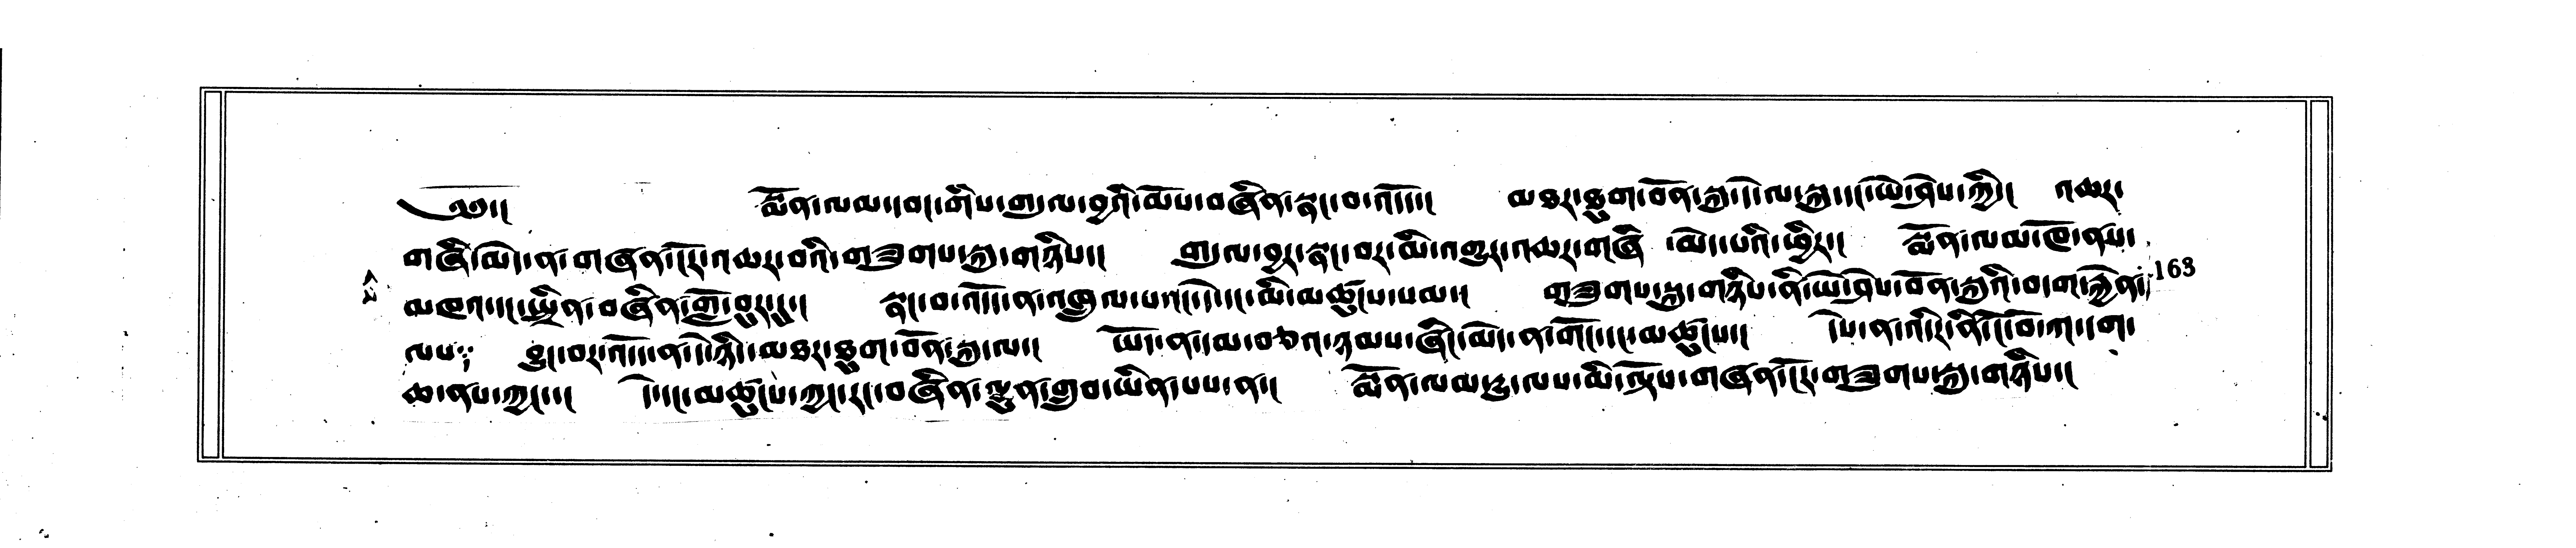སྨོན་ལམ་དབང་གིས་གདུལ་བྱའི་མོས་བཞིན་སྣང་བ་འདོད། །མཐར་ཐུག་བོན་སྐུ་དེ་ལ་སྐུ་དང་ཡེ་ཤེས་ཀྱི། །འཆར་
གཞི་མེད་ན་གཞན་ངོར་འཆར་བའི་གཟུགས་སྐུ་གཉིས། །གདུལ་བྱར་སྣང་བར་མི་འགྱུར་འཆར་གཞི་མེད་པའི་ཕྱིར། །སྨོན་ལམ་ཁོ་ནས་
མཁའ་དང་སྤྲིན་བཞིན་གློ་བུར་དུ། །སྣང་བ་འདོད་ན་འཁྲུལ་པའང་དེ་དང་མི་མཚུངས་སམ། །གཟུགས་སྐུ་གཉིས་ནི་ཡེ་ཤེས་བོན་སྐུའི་བདག་རྐྱེན་
ལས། །བྱུང་བར་འདོད་ན་དེ་ཉིད་མཐར་ཐུག་བོན་སྐུ་ལ། །ཡོད་ན་དམ་བཅའ་ཉམས་ཤིང་མེད་ན་གོང་དང་མཚུངས། །དེས་ན་འདིར་ནི་ངོ་བོ་ཀ་དག་
ཆ་ནས་ཀྱང་། །དེ་དང་མཚུངས་ཀྱང་རང་བཞིན་ལྷུན་གྲུབ་ཡིན་པས་ན། །སྨོན་ལམ་རྒྱུ་ལས་མི་ལྟོས་གཞན་ངོར་གཟུགས་སྐུ་གཉིས། །